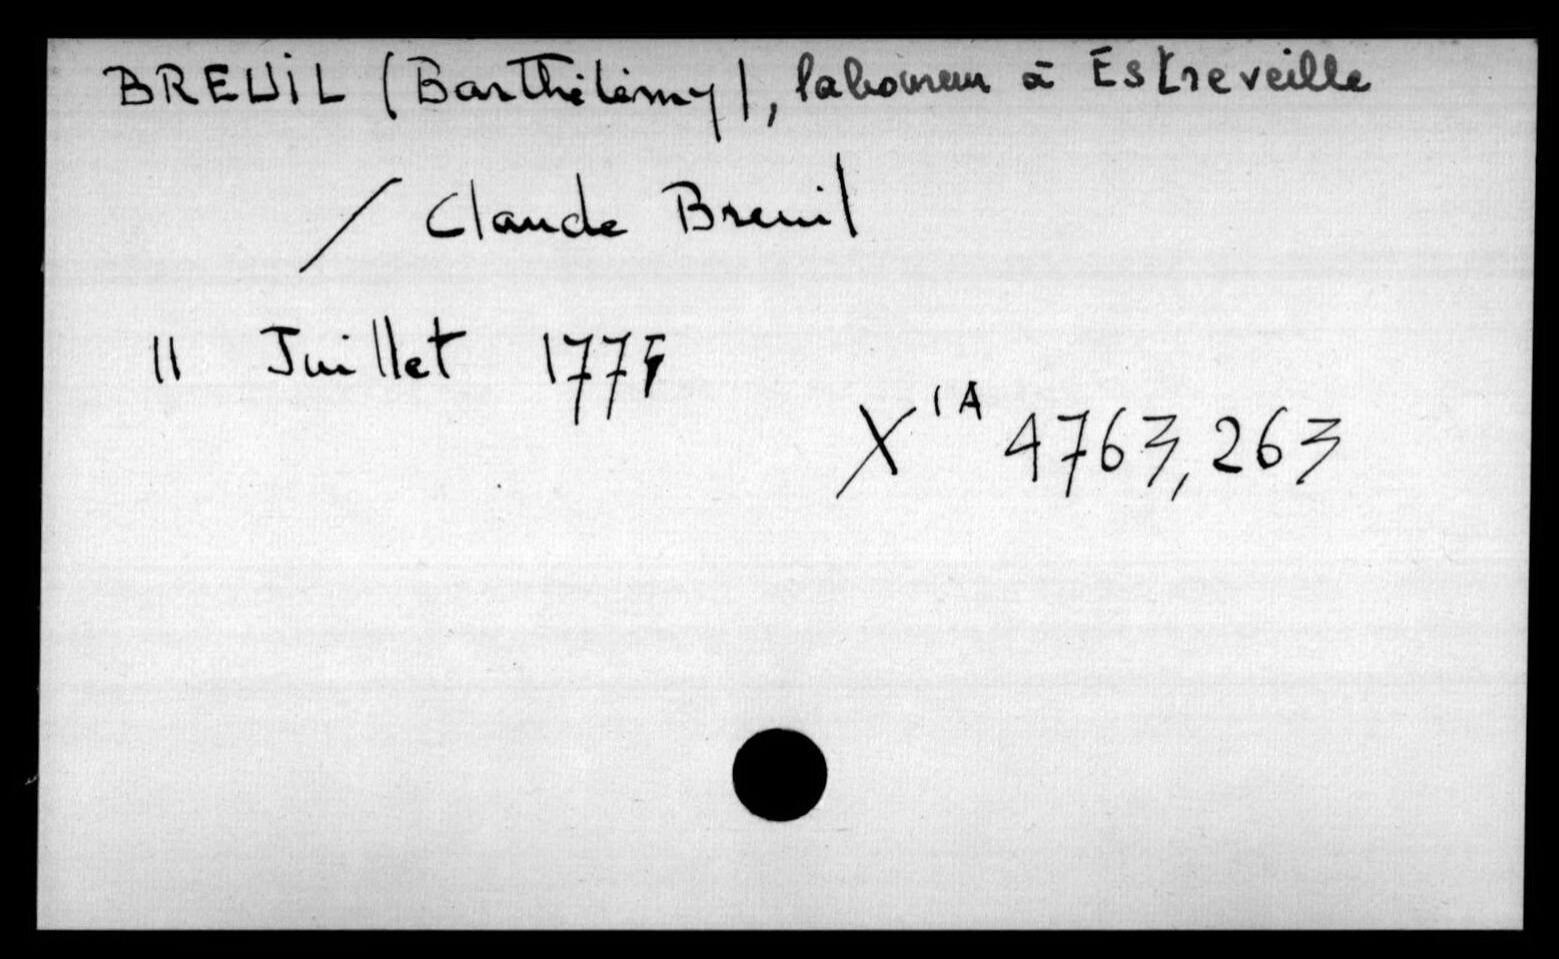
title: BREUIL (Barthélémy), laboureur à Estreveille
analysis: Contre Claude Breuil
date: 11 juillet 1775
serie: X1A
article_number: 4763
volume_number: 263
